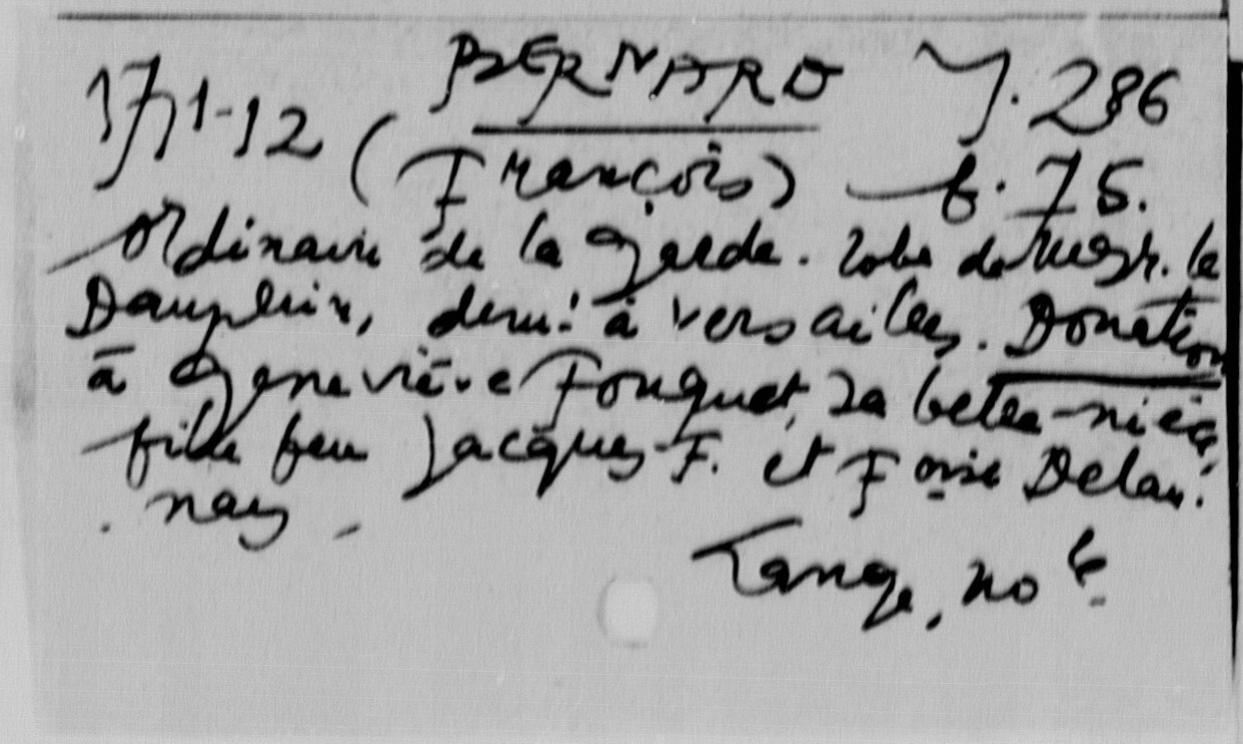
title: BERNARD (François)
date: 1711-1712
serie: Y
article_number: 286
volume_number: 75
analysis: Ordinaire de la garde, robe de monseigneur le Dauplin, demeurant à Versailles. Donation à Geneviève Fouquet sa belle-nièce fille feu Jacques F. et Françoise Delaunay. Lange, notaire.
